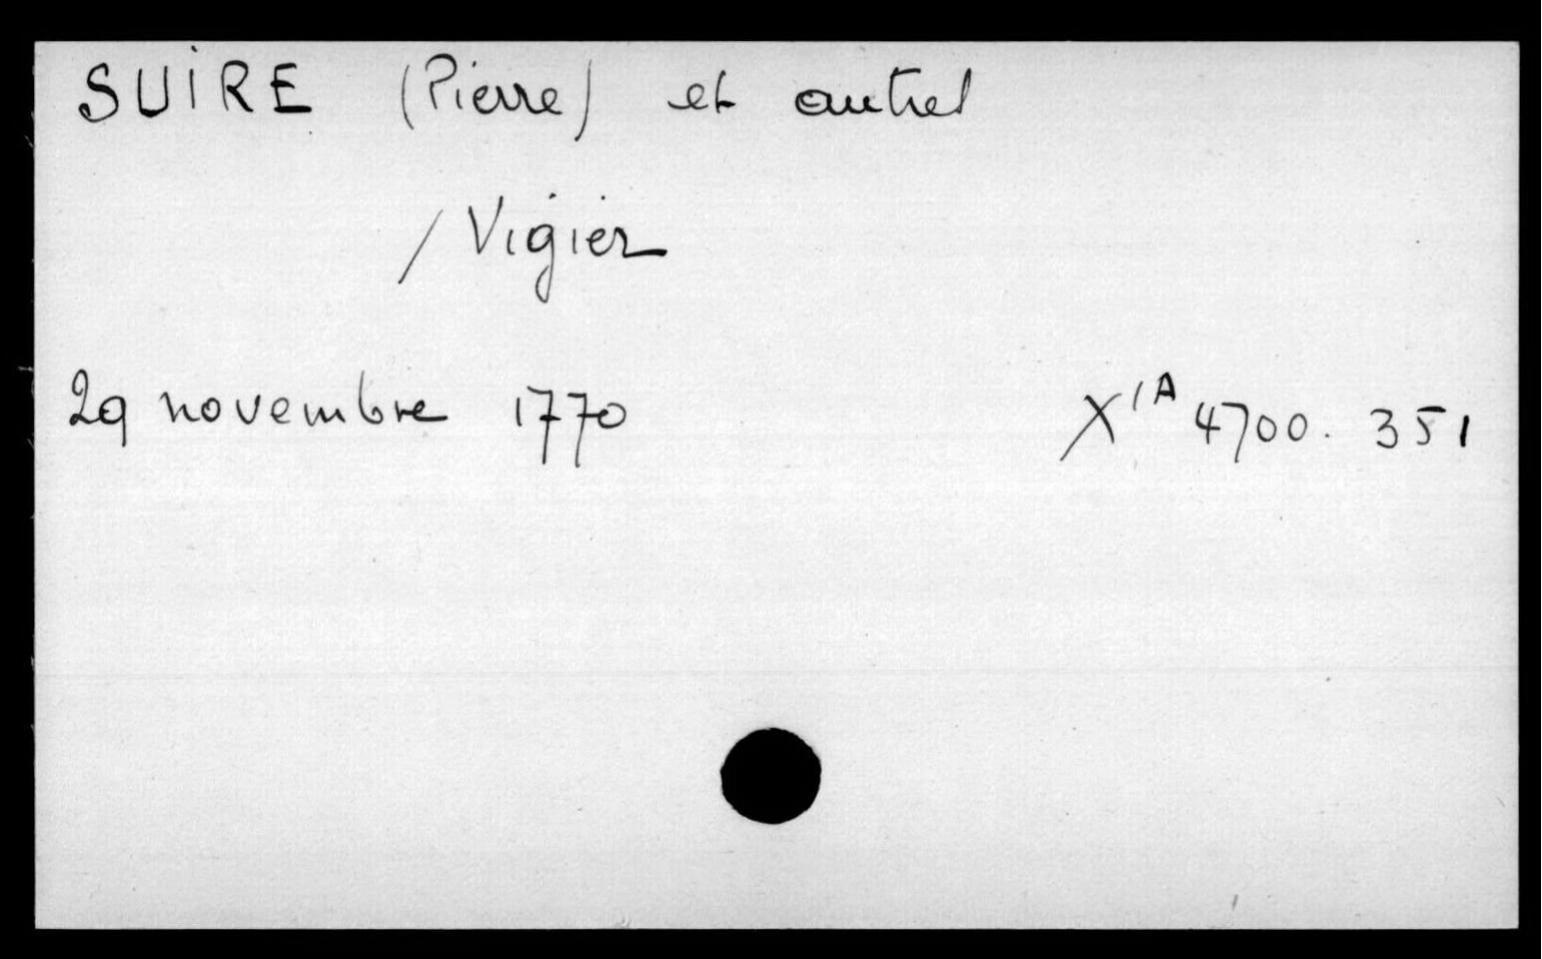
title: SUIRE (Pierre) et autres
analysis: Contre Vigier
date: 29 novembre 1770
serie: X1A
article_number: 4700
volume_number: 351
